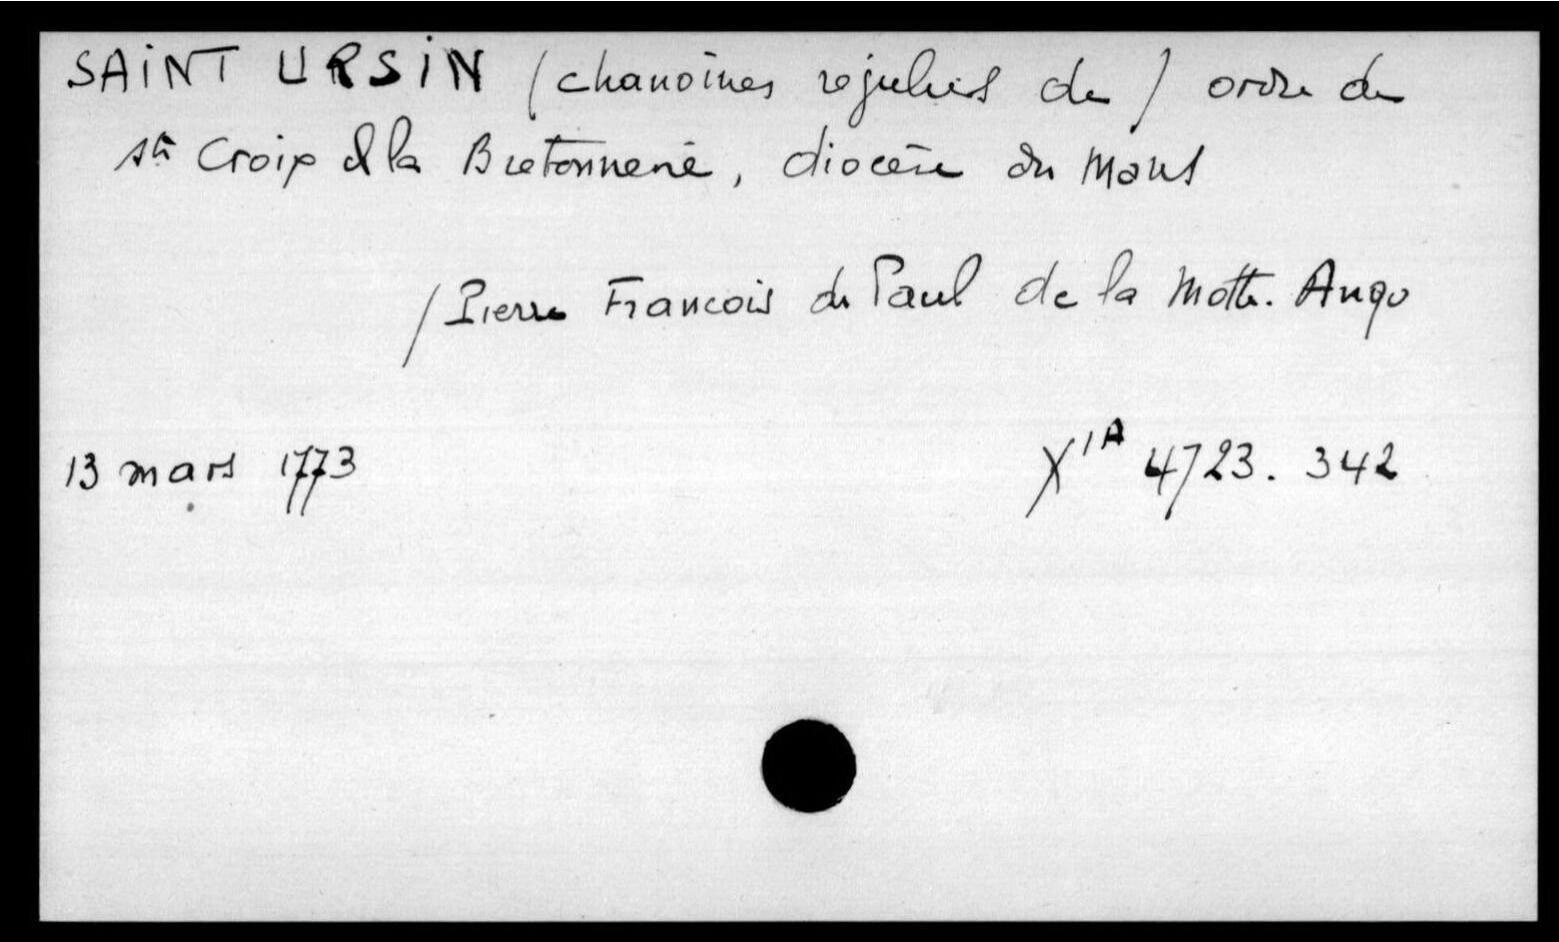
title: SAINT URSIN (chanoines réguliers de) ordre de Sainte-Croix de la Bretonnerie, diocèse du Mans
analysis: Contre Pierre François de Paul de la Motte-Angu
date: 13 mars 1773
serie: X1A
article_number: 4723
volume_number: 342
